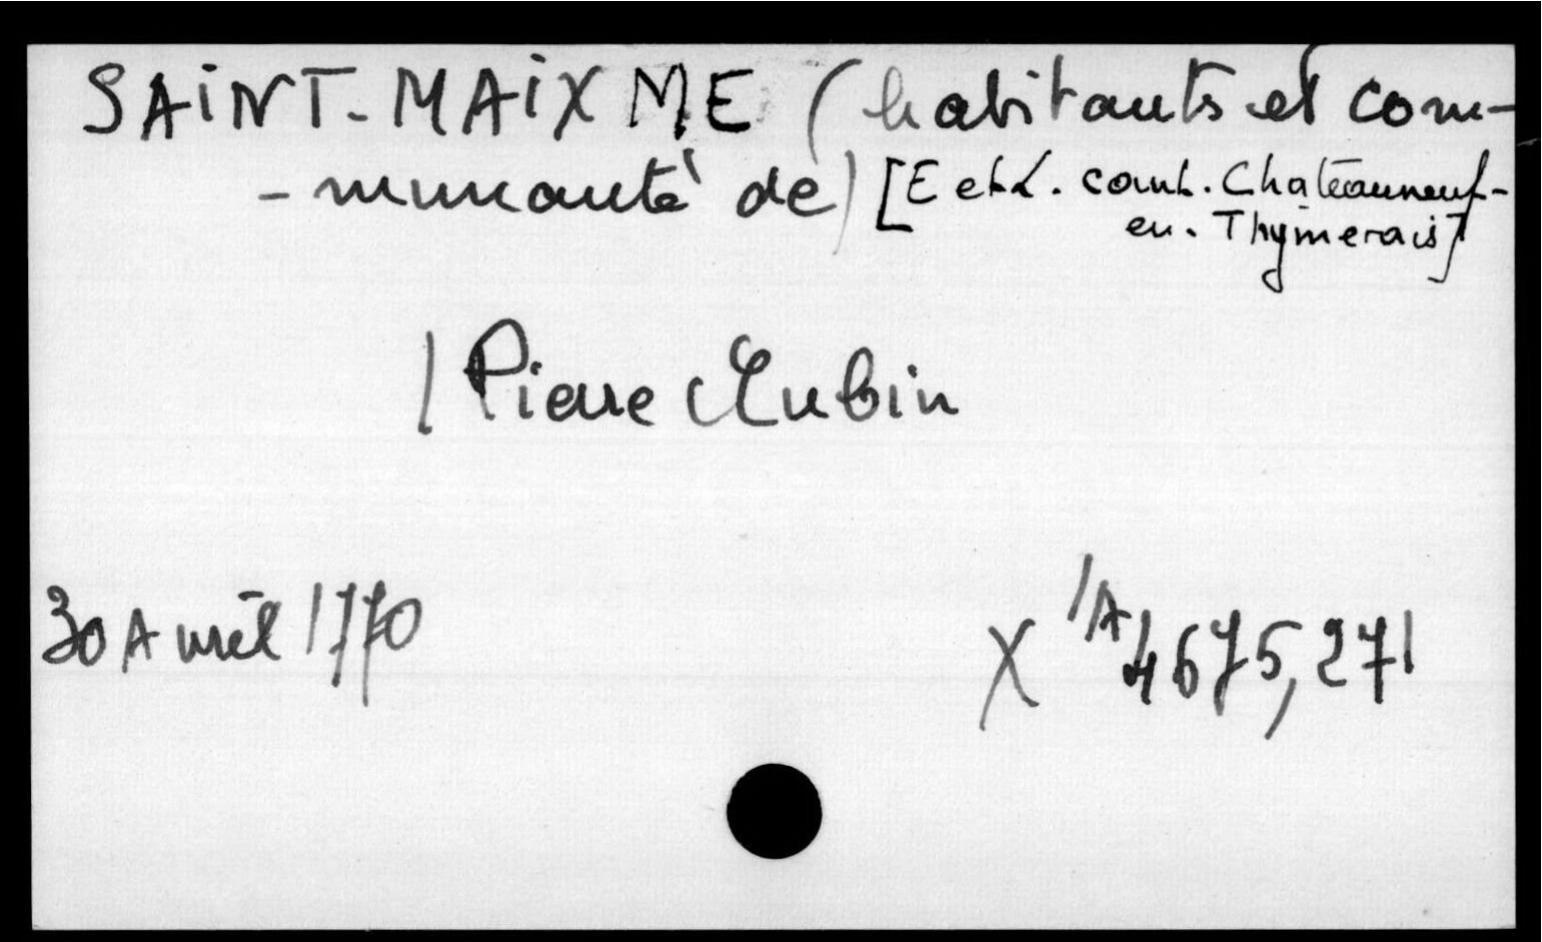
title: SAINT-MAIXME (habitants et communauté de) [Eure-et-Loir, canton châteauneuf-en-Thymerais]
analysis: Contre Pierre Clubin
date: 30 avril 1770
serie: X1A
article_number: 4675
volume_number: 271
